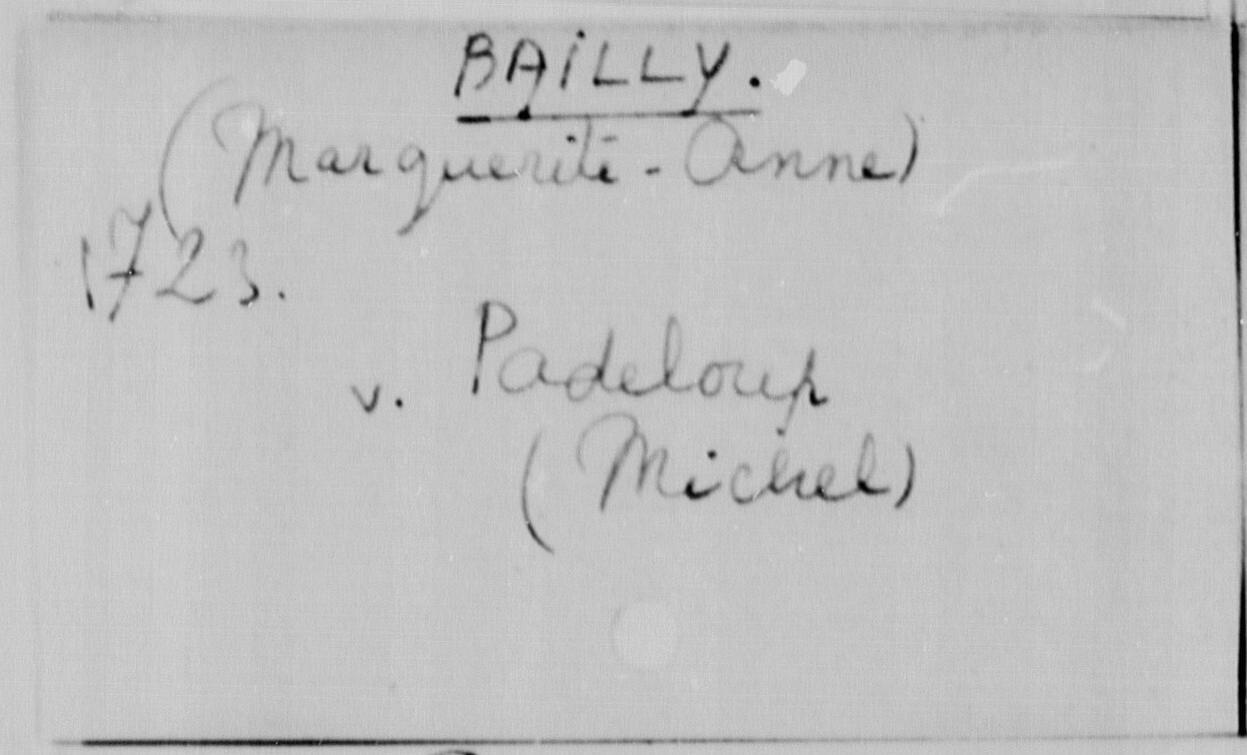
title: BAILLY (Marguerite-Anne)
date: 1723
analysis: Voir Padeloup (Michel)
